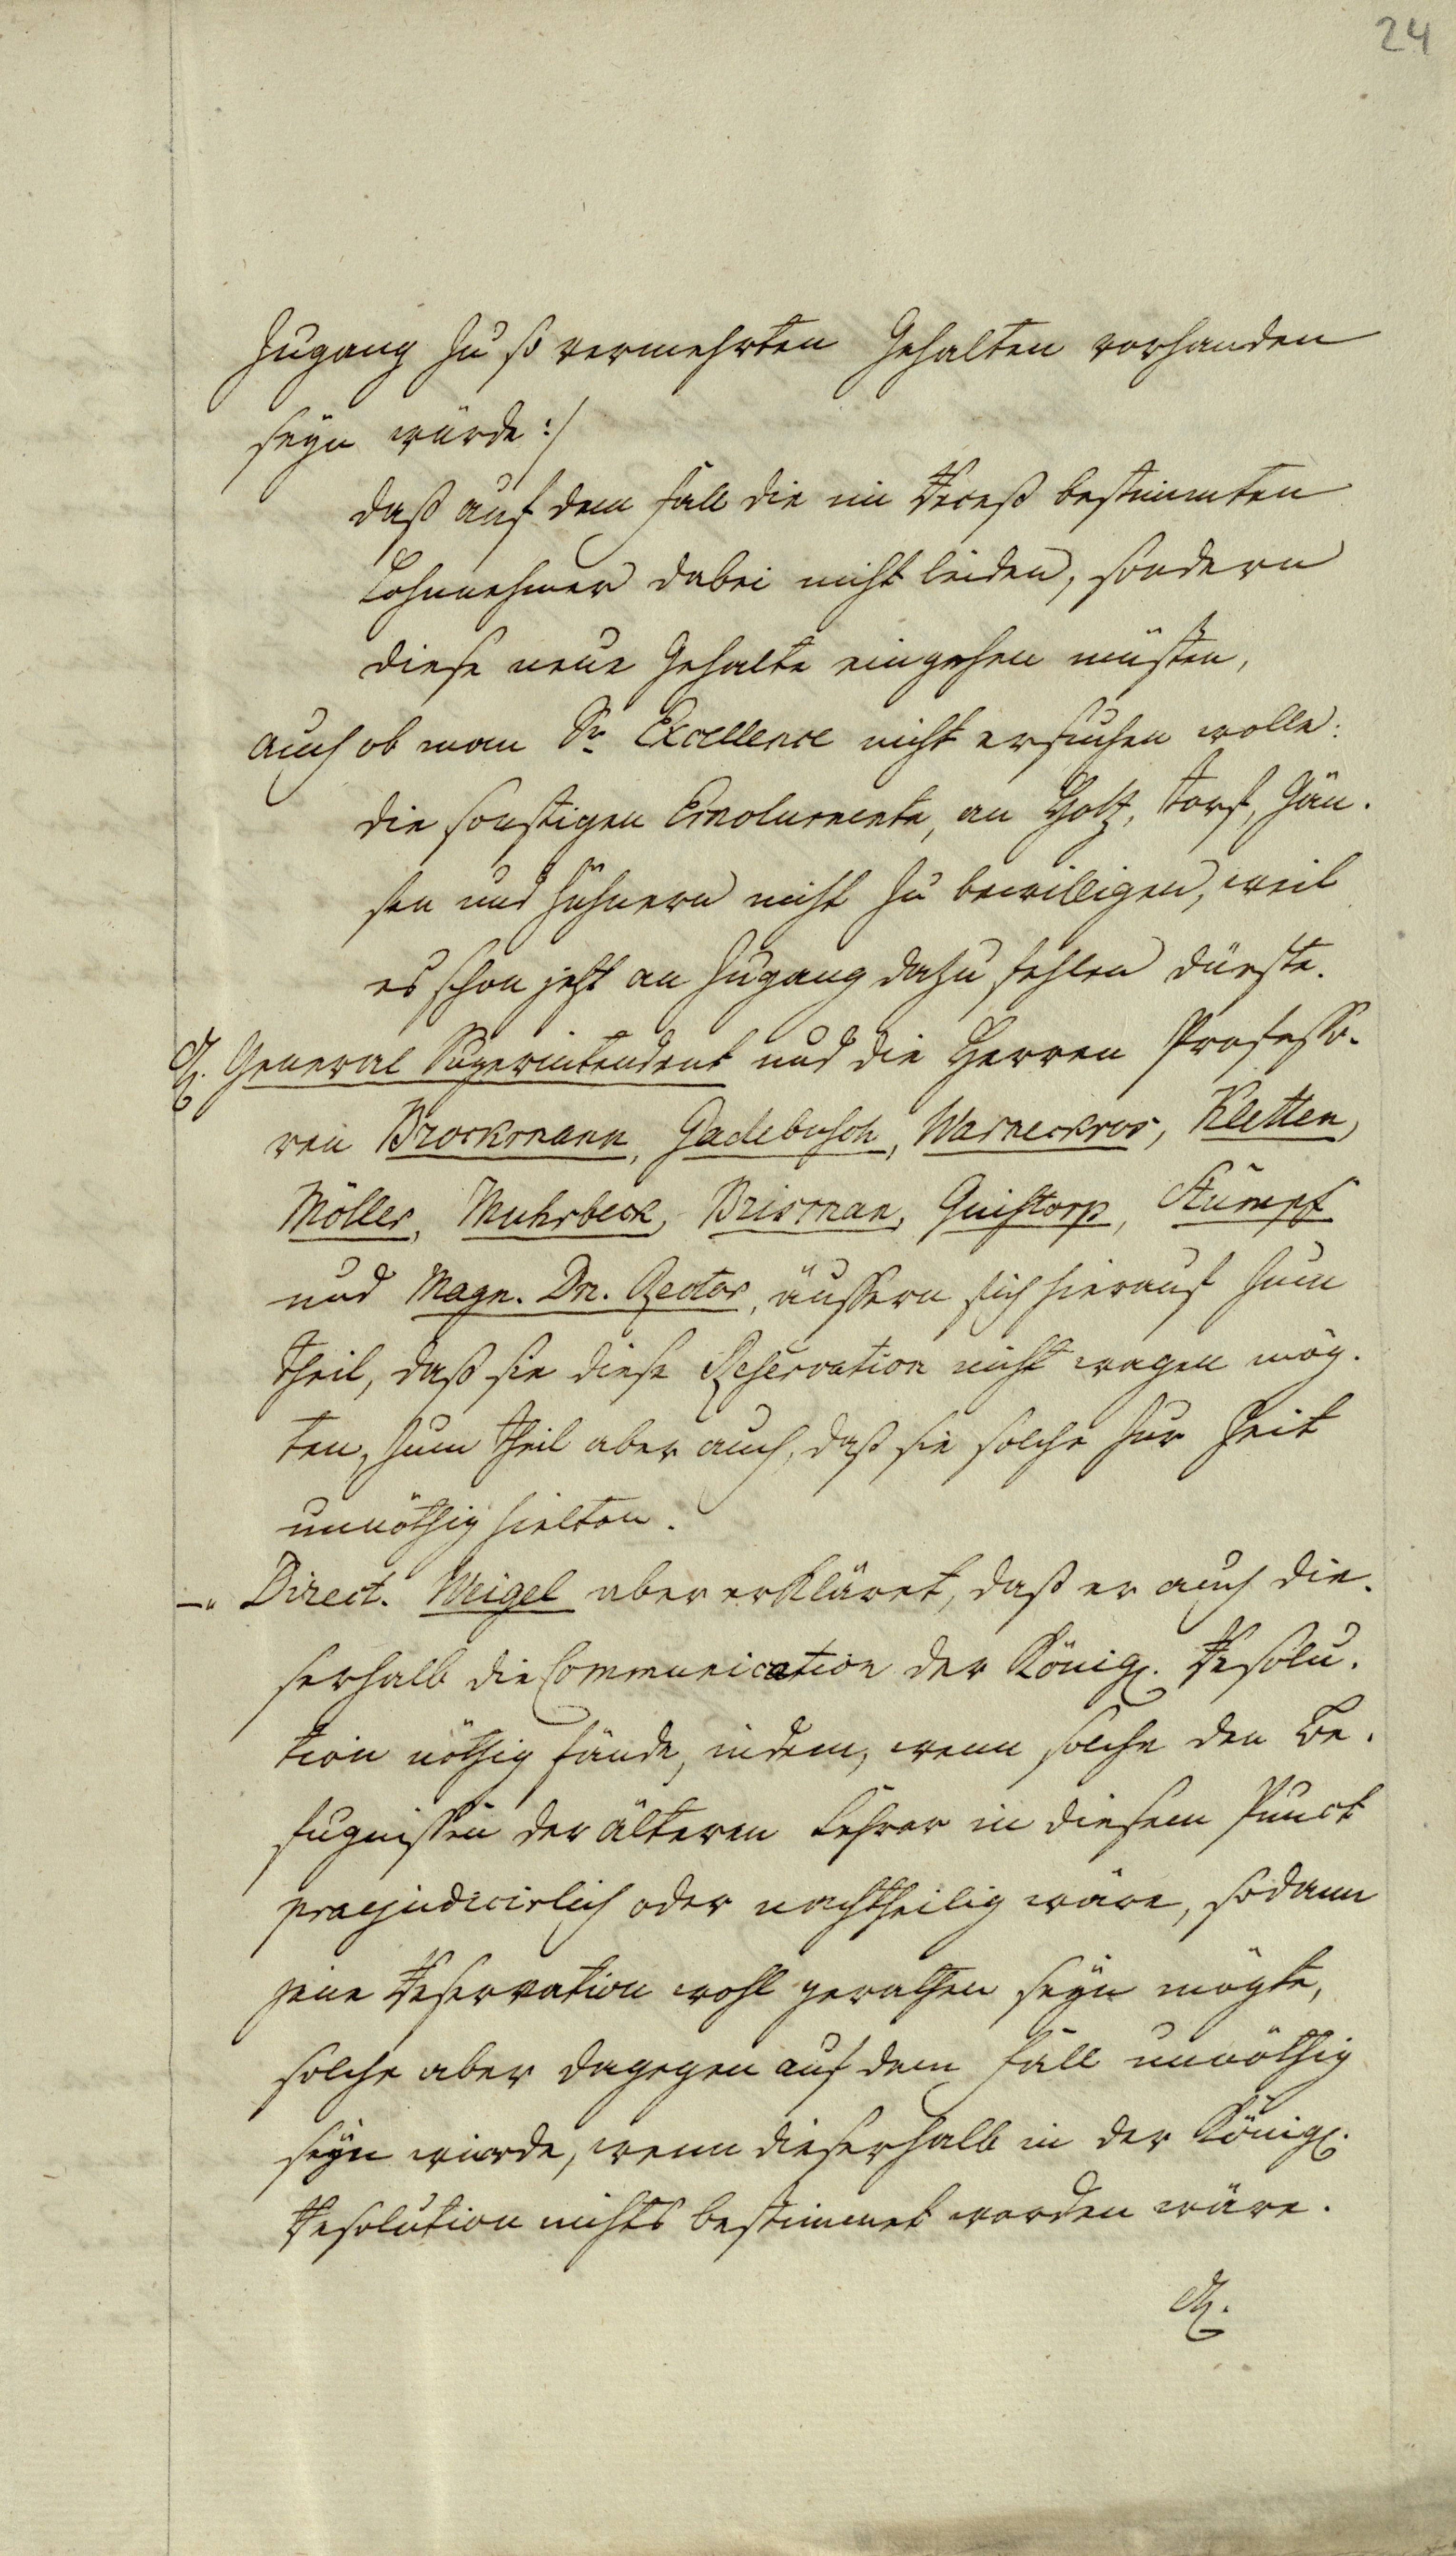Zugang zu so vermehrten Gehalten vorhanden
seÿn würde :/
daß auf dem Fall die im Receß bestimmten
Lohnnehmer dabei nicht leiden, sondern
diese neue Gehalte eingehen müssten.
auch ob man Sr. Excellence nicht ersuchen wolle:
die sonstigen Emolumente, an Holtz, Torf, Gän¬
sen und Hühnern nicht zu bewilligen, weil
es schon jetzt an Zugang dazu fehlen dürfte.
dh. General Superintendent und die Herren Professo¬
ren Brockmann, Gadebusch, Warneckros, Kletten,
Möller, Muhrbeck, Brisman, Quistorp, Stumpf
und Magn. Dn. Rector, äußern sich hierauf zum
Theil, daß sie diese Reservation nicht wagen mög¬
ten, zum Theil aber auch, daß sie solche zur Zeit
unnöthig hielten.
— " Direct. Weigel aber erklärt, daß er auch die¬
serhalb die Communication der Königl. Resolu¬
tion nöthig fände, indem, wenn solche den Be¬
fugnissen der älteren Lehrer in diesem Punct
praejudicirlich oder nachtheilig wäre, sodann
jene Reservation wohl gerathen seÿn mögte,
solche aber dagegen auf dem Fall unnöthig
seÿn würde, wenn dieserhalb in der Königl.
Resolution nichts bestimmt worden wäre.
dh.